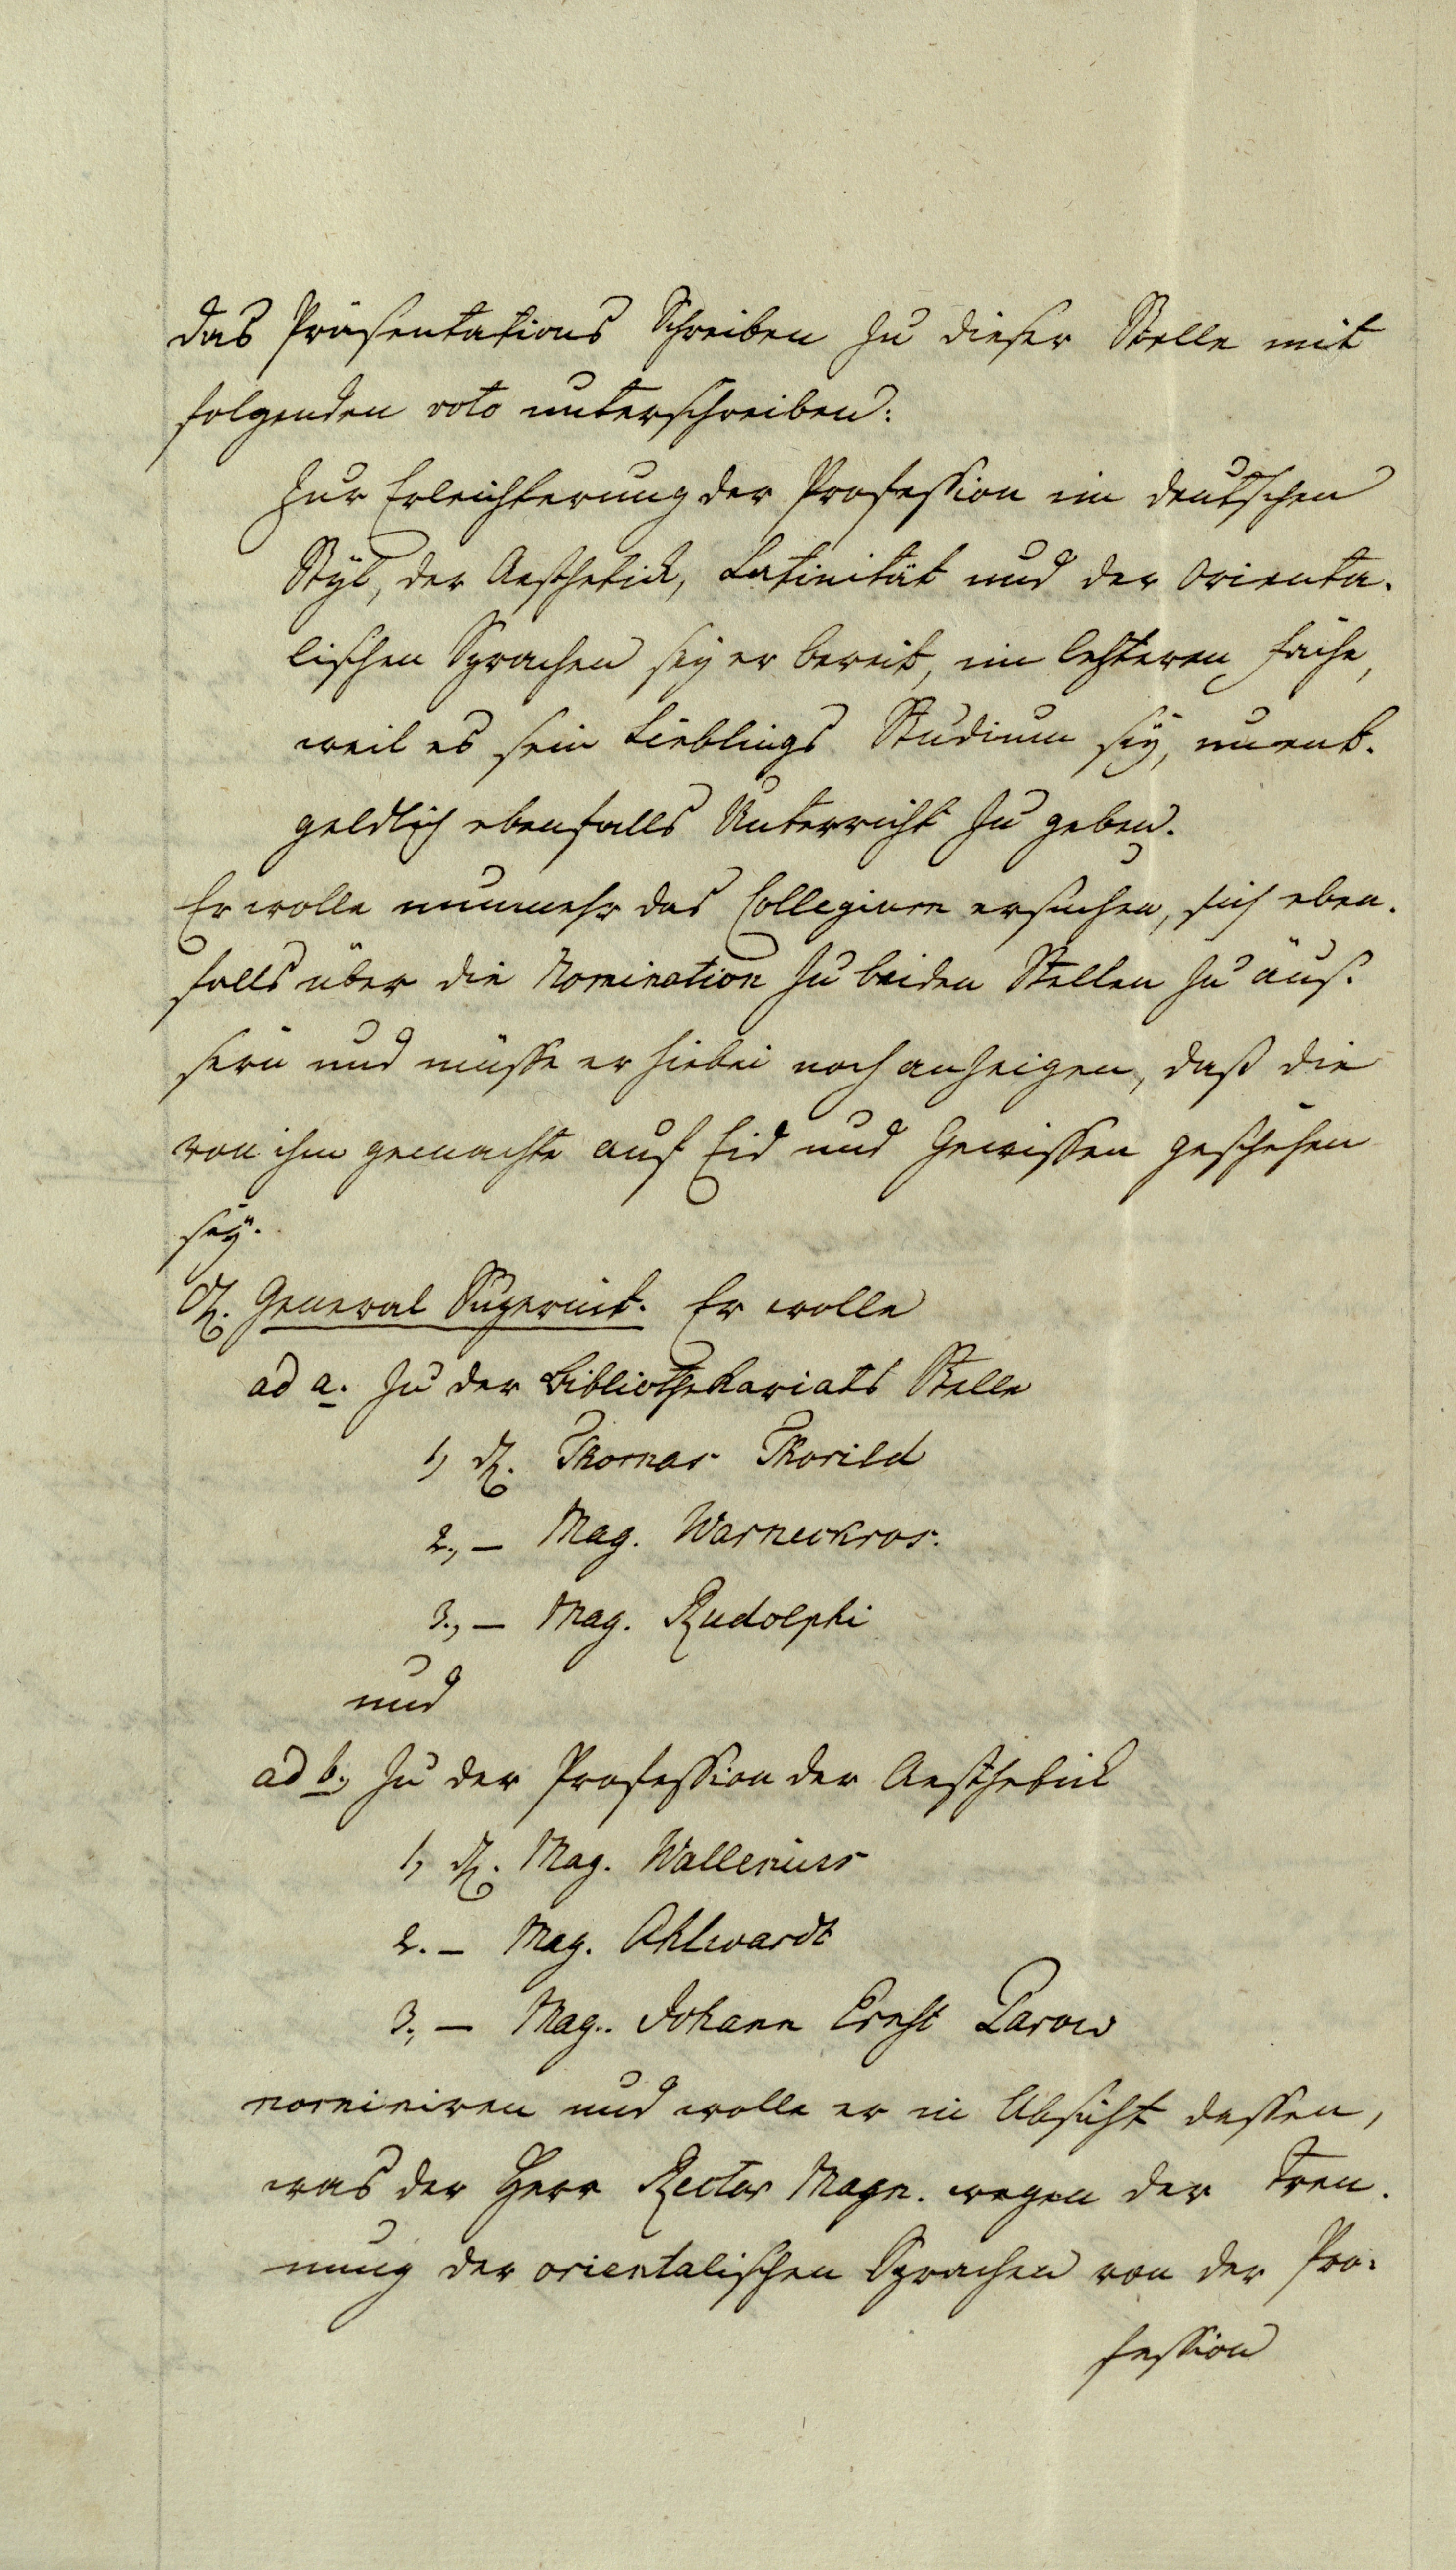das Präsentations Schreiben zu dieser Stelle mit
folgenden voto unterschreiben:
Zur Erleichterung der Profession im deutschen
Stÿl, der Aesthetick, Latinität und der Orienta¬
lischen Sprachen seÿ er bereit, im letzteren Fache,
weil es sein Lieblings Studium seÿ, unent¬
geldlich ebenfalls Unterricht zu geben.
Er wolle nunmehr das Collegium ersuchen, sich eben¬
falls über die Nomination zu beiden Stellen zu äus¬
sern und müsse er hiebei noch anzeigen, daß die
von ihm gemachte auf Eid und Gewissen geschehen
seÿ.
dh. General Superint. Er wolle
ad a. zu der Bibliothekariats Stelle
1., dh. Thomas Thorild
2., — Mag. Warneckros
3., — Mag. Rudolphi
und
ad b., zu der Profession der Aesthetick
1., dh. Mag. Wallenius
2. — Mag. Ahlwardt
3., — Mag. Johann Ernst Larow
nominiren und wolle er in Absicht dessen,
was der Herr Rector Magn. wegen der Tren¬
nung der orientalischen Sprachen von der Pro¬
fession